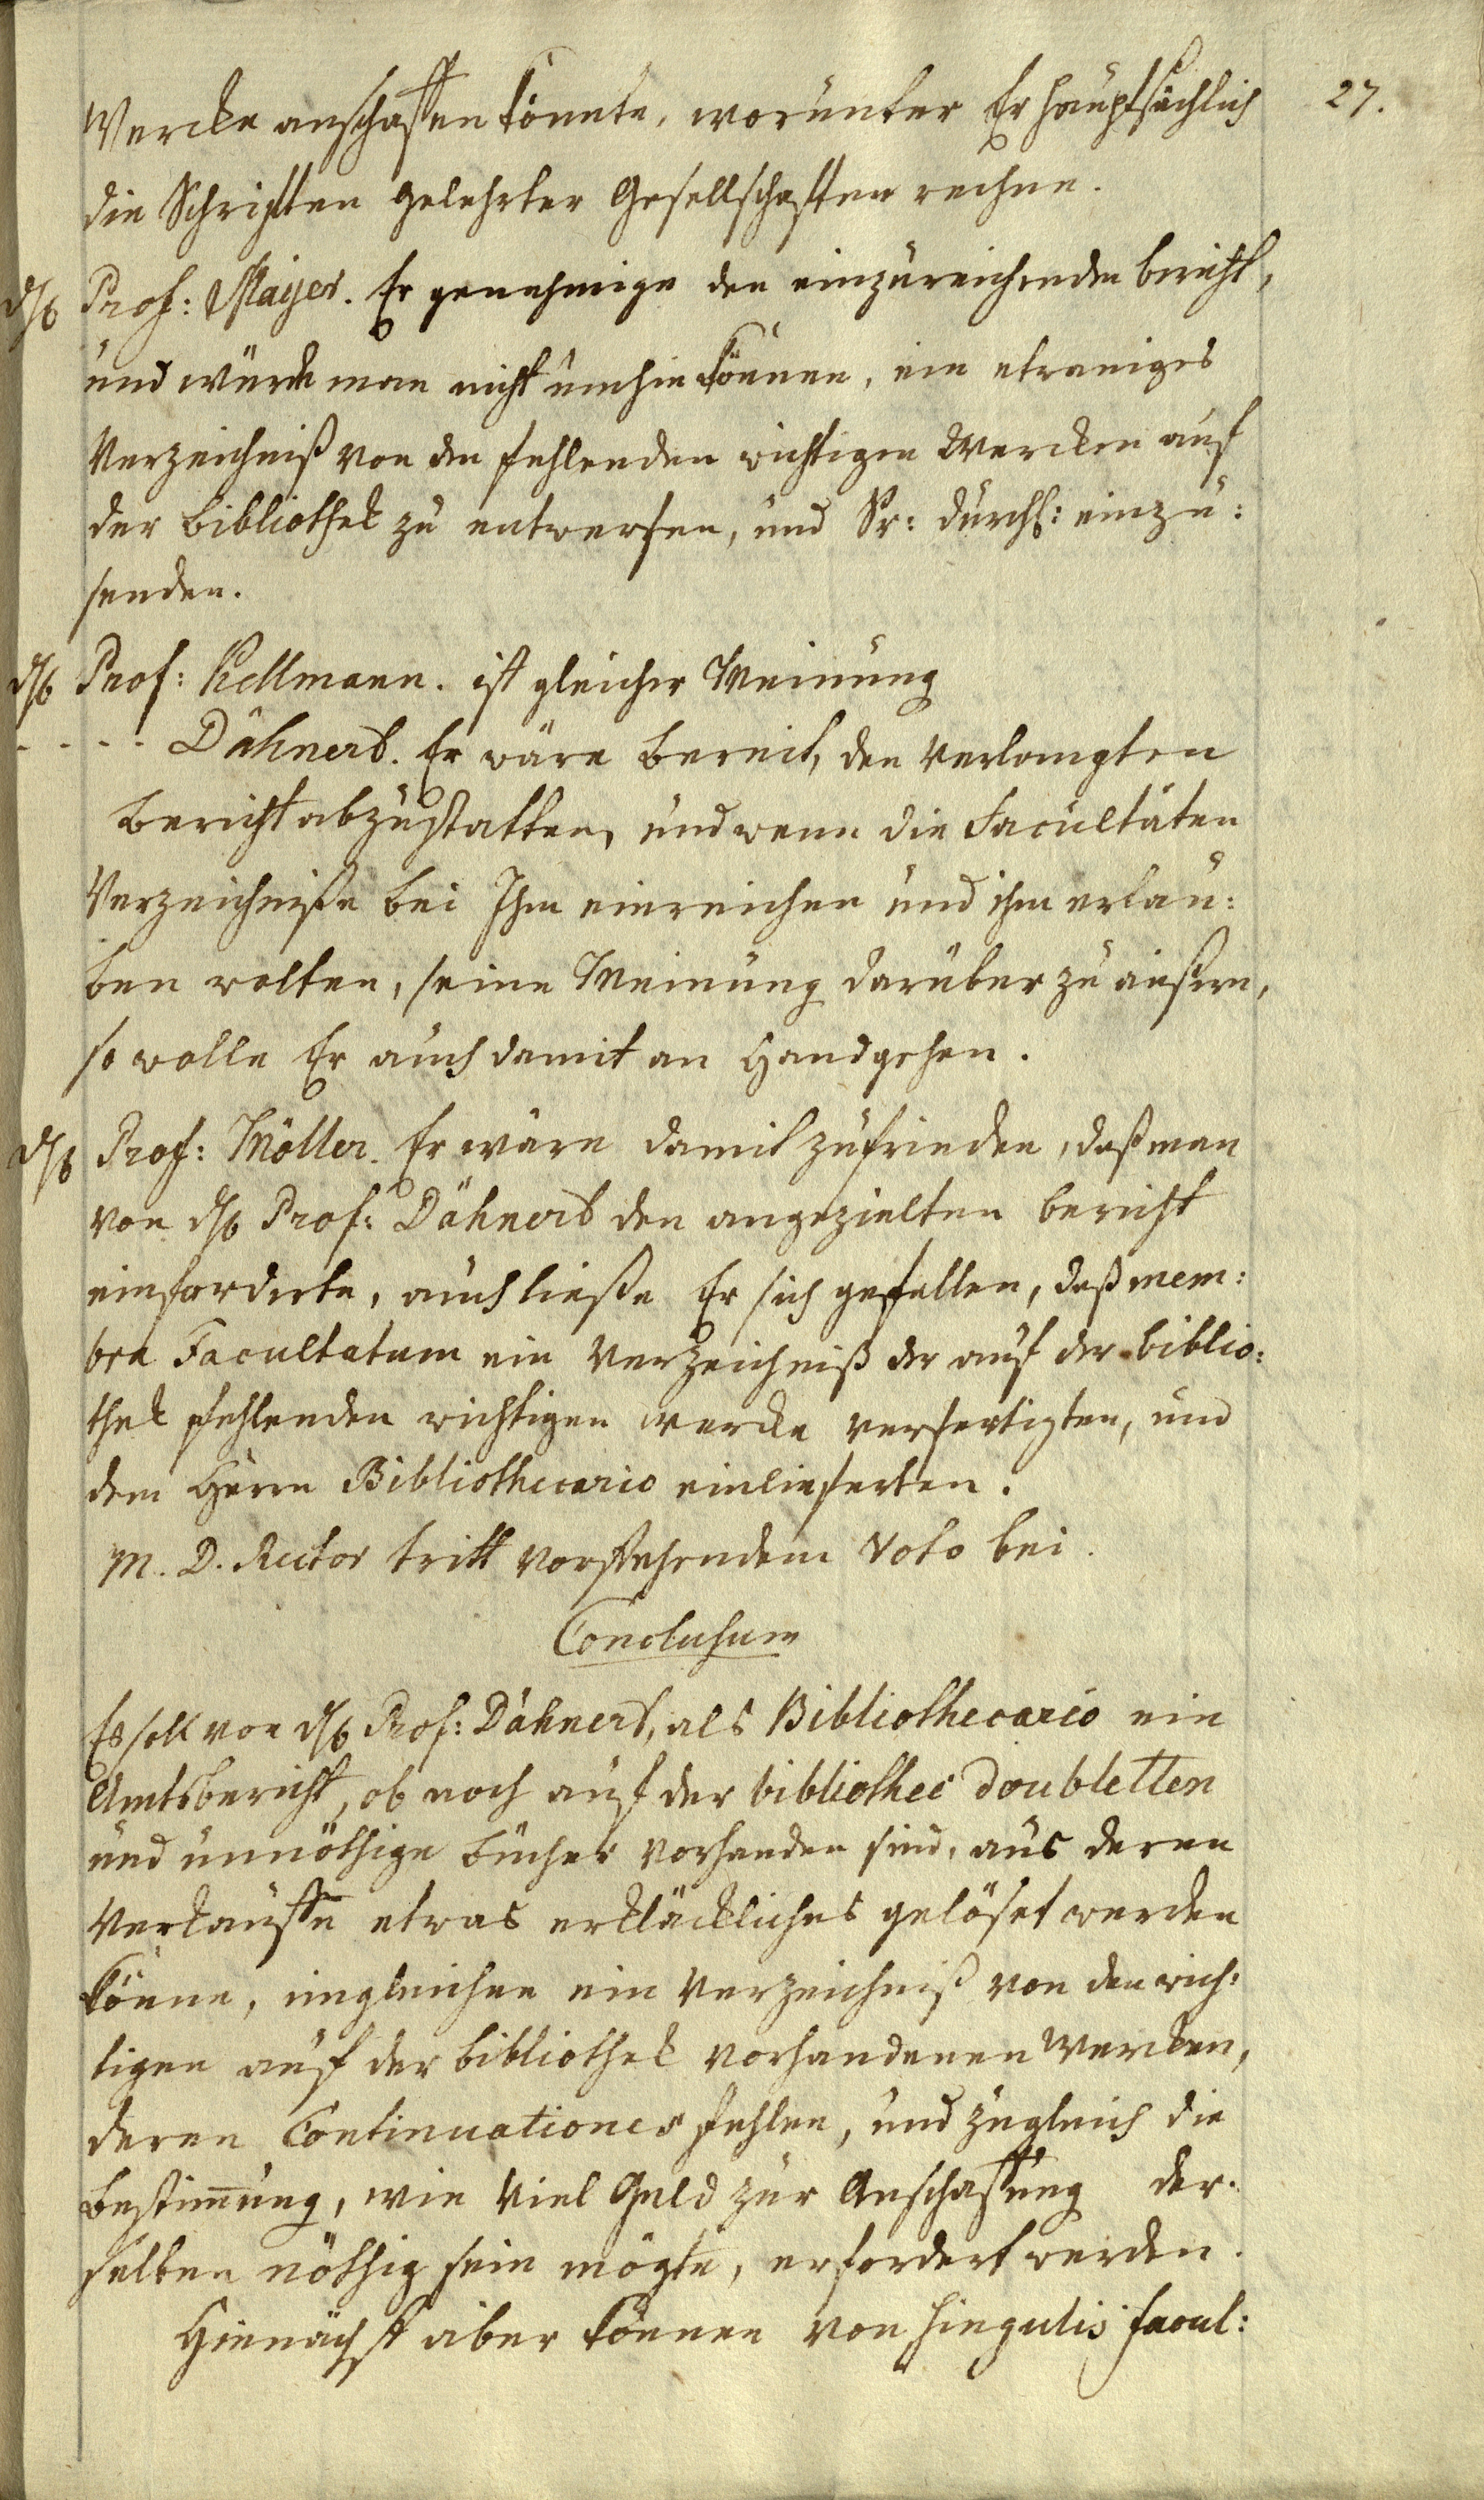Wercke anschaffen könnte, worunter Er hauptsächlich
die Schriften Gelehrter Gesellschaften rechne.
dh Prof: Maÿer. Er genehmige den einzureichenden Bericht,
und würde man nicht umhin können, ein etwaniges
Verzeichniß von den fehlenden wichtigen Wercken auf
der Bibliothek zu entwerfen, und Sr. Durchl. einzu¬
senden.
dh Prof: Kellmann. ist gleicher Meinung
Dähnert. Er wäre bereit, den verlangten
Bericht abzustatten, und wenn die Facultäten
Verzeichniße bei Ihm einreichen und ihm erlau¬
ben wolten, seine Meinung darüber zu äußern,
so wolle Er auch damit an Hand gehen.
dh Prof: Möller. Er wäre damit zufrieden, daß man
von dh Prof: Dähnert den angezielten bericht
einforderte, auch ließe Er sich gefallen, daß mem¬
bra Facultatum ein Verzeichniß der auf der biblio¬
thek fehlenden wichtigen wercke verfertigten, und
dem Herrn Bibliothecario einlieferten.
M. D. Rector tritt vorstehendem Voto bei.
Conclusum
Es soll von dh Prof. Dähnert, als Bibliothecario ein
Amtsbericht, ob noch auf der bibliothek doubletten
und unnöthige Bücher vorhanden sind, aus deren
Verkäufe etwas erkläckliches gelöset werden
könne, imgleichen ein Verzeichniß von den wich¬
tigen auf der Bibliothek vorhandenen Wercken,
deren Continuationes fehlen, und zugleich die
Bestimung, wie viel Geld zur Anschaffung der¬
selben nöthig sein mögte, erfordert werden.
Hienächst aber können von singulis Facul¬